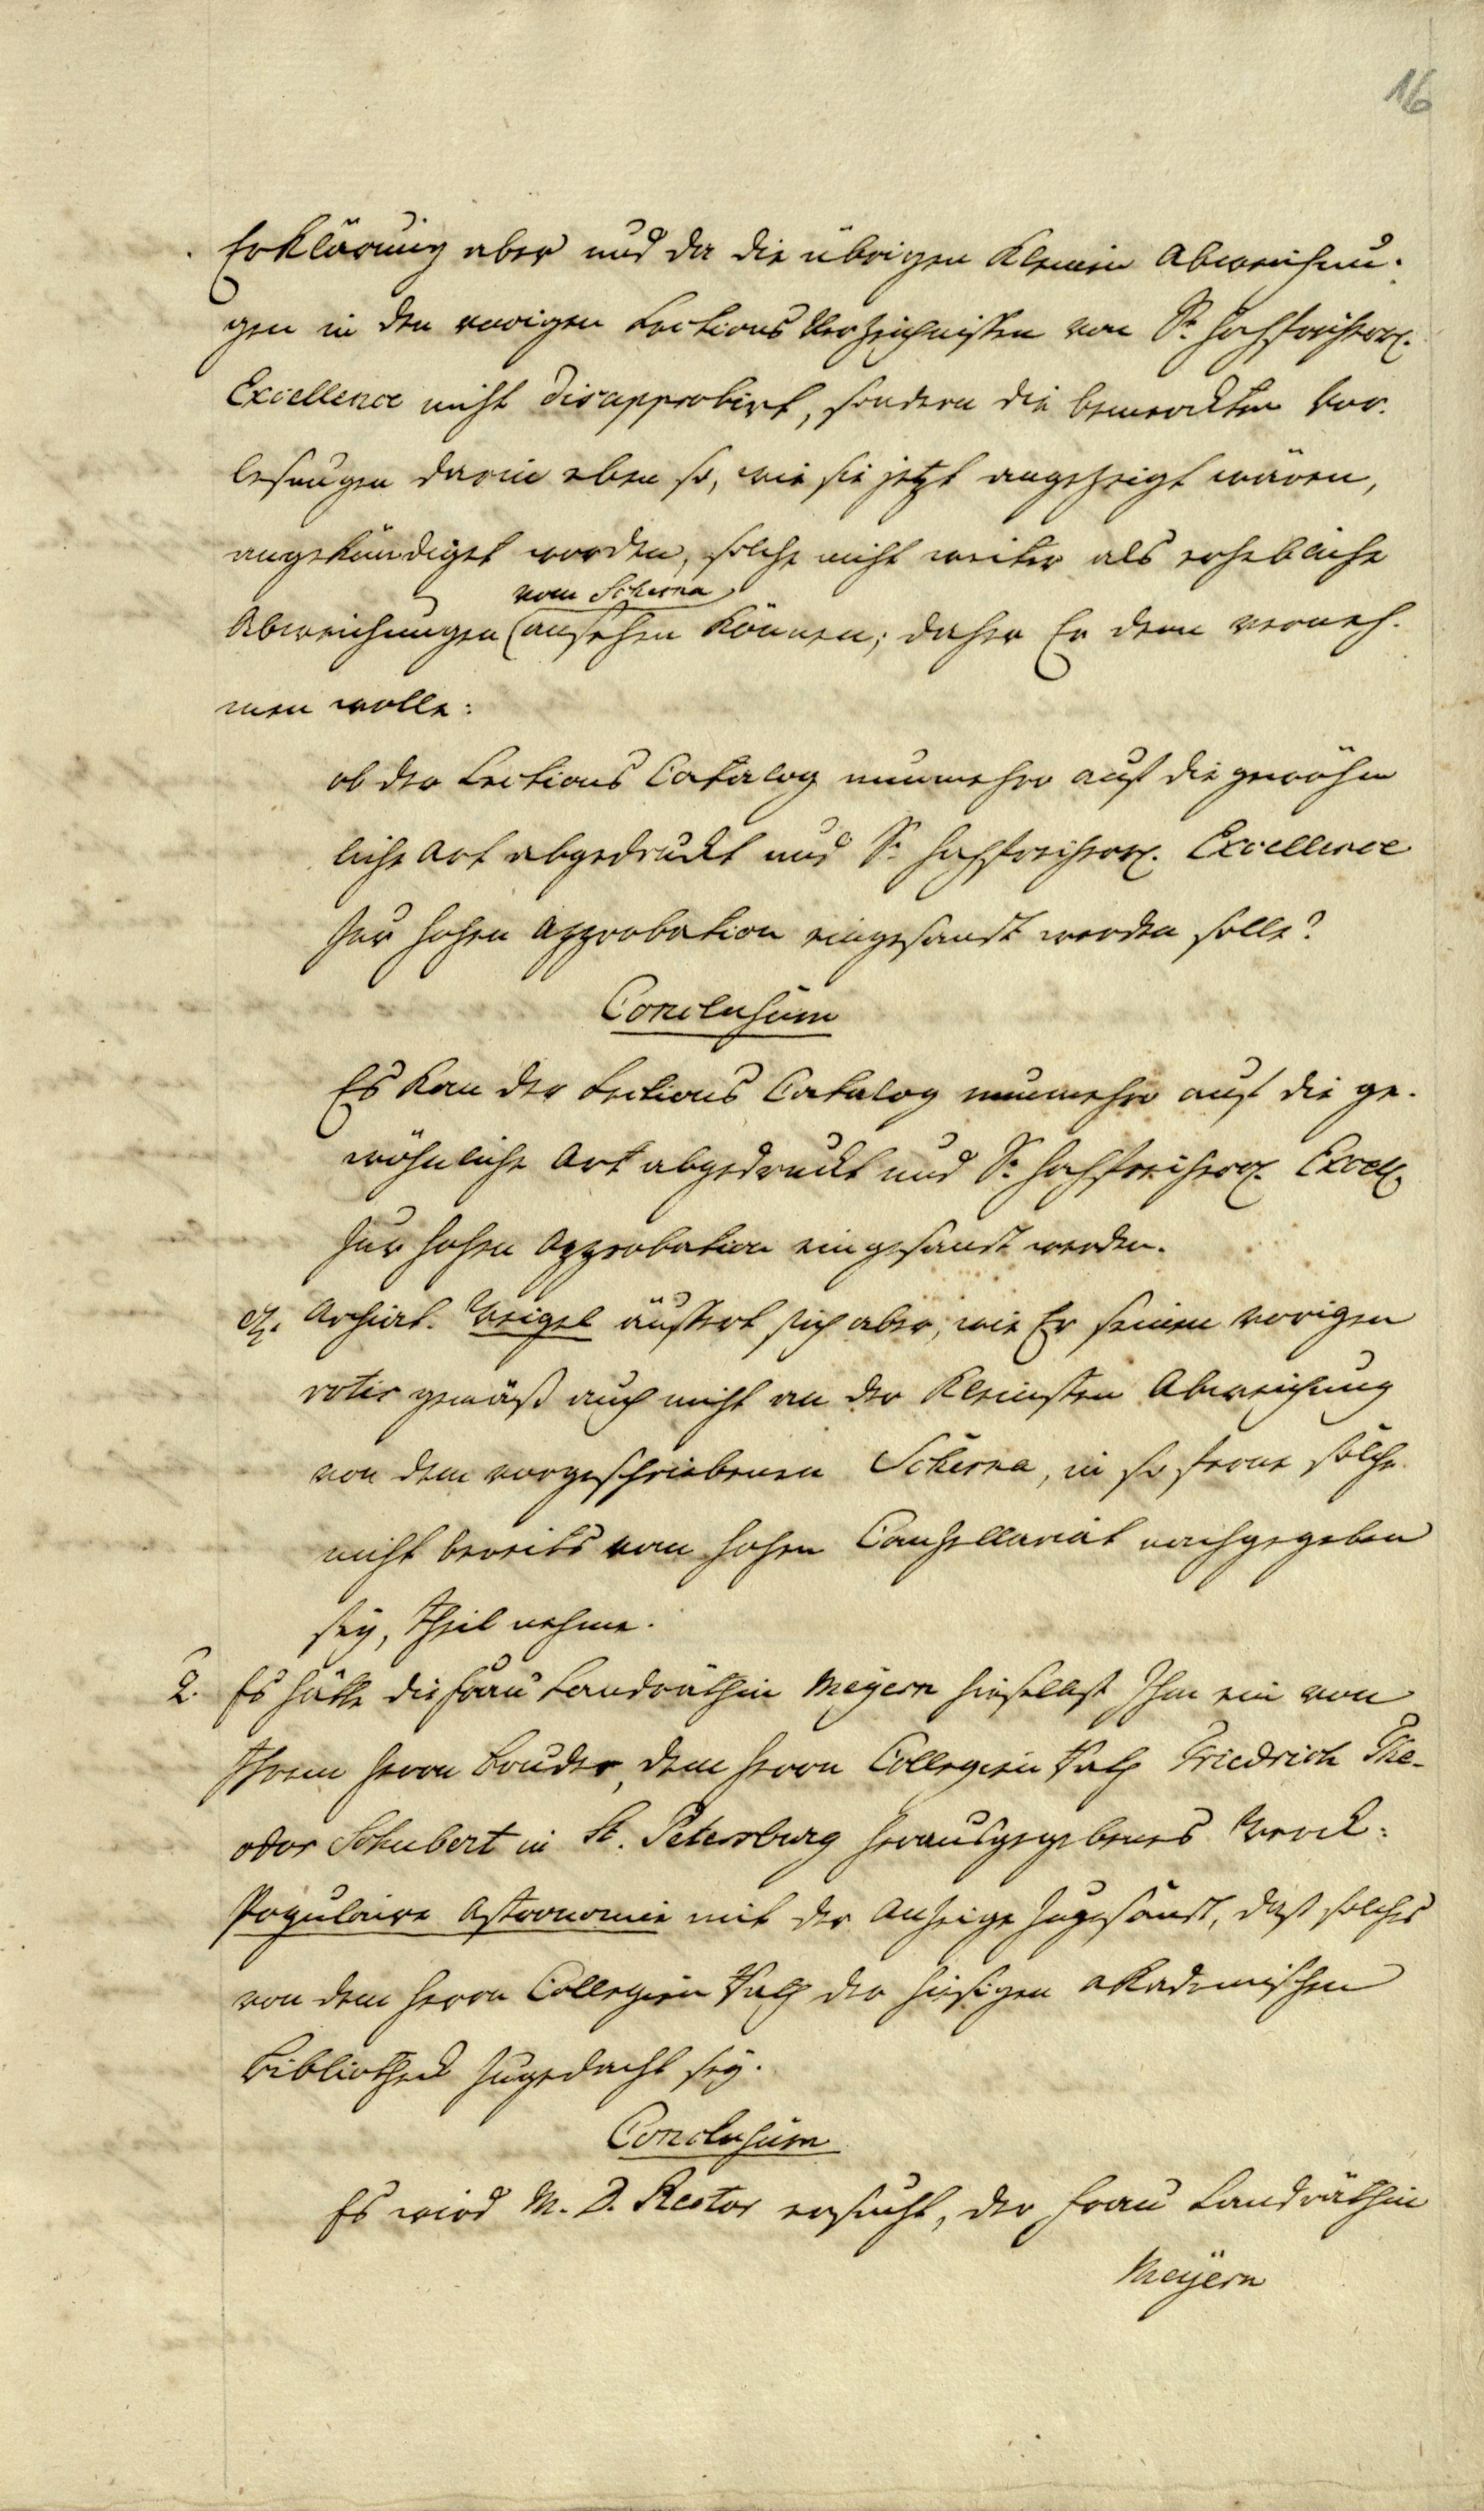Erklärung aber und da die übrigen kleinen Abweichun¬
gen in den vorigen Lections Verzeichnissen von Sr hochfreiherrl.
Excellence nicht disapprobirt, sondern die bemerckten Vor¬
lesungen darin eben so, wie sie jetzt angezeigt wären,
angekündiget worden, solche nicht weiter als erhebliche
vom Schema
Abweichungen ansehen können, daher Er denn verneh¬
men wolle:
ob der Lections Catalog nunmehro auf die gewöhn¬
liche Art abgedruckt und Sr hochfreiherrl. Excellence
zur hohen Approbation eingesandt worden solle?
Conclusum
Es kan der Lections Catalog nunmehro auf die ge¬
gewöhnliche Art abgedruckt und Sr. hochfreiherrl Excel.
zur hohen Approbation eingesandt werden.
dh. Archiat. Weigel äussert sich aber, wie Er seinen vorigen
votis gemäß auch nicht an der kleinsten Abweichung
von dem vorgeschriebenen Schema, in so ferne solche
nicht bereits vom hohen Canzellariat nachgegeben
seÿ, Theil nehme.
2 Es hätte die Frau Landräthin Meÿern hieselbst Ihm ein von
Ihrem Herrn Bruder, dem Herrn Collegien Rath Friedrich The¬
odor Schubert in St. Petersburg herausgegebenes Werck:
Populaire Astronomie mit der Anzeige zugesandt, daß solches
von dem Herrn Collegien Rath der hiesigen akademischen
Bibliothek zugedacht seÿ.
Conclusum
Es wird M. D. Rector ersucht, der Frau Landräthin
Meÿern